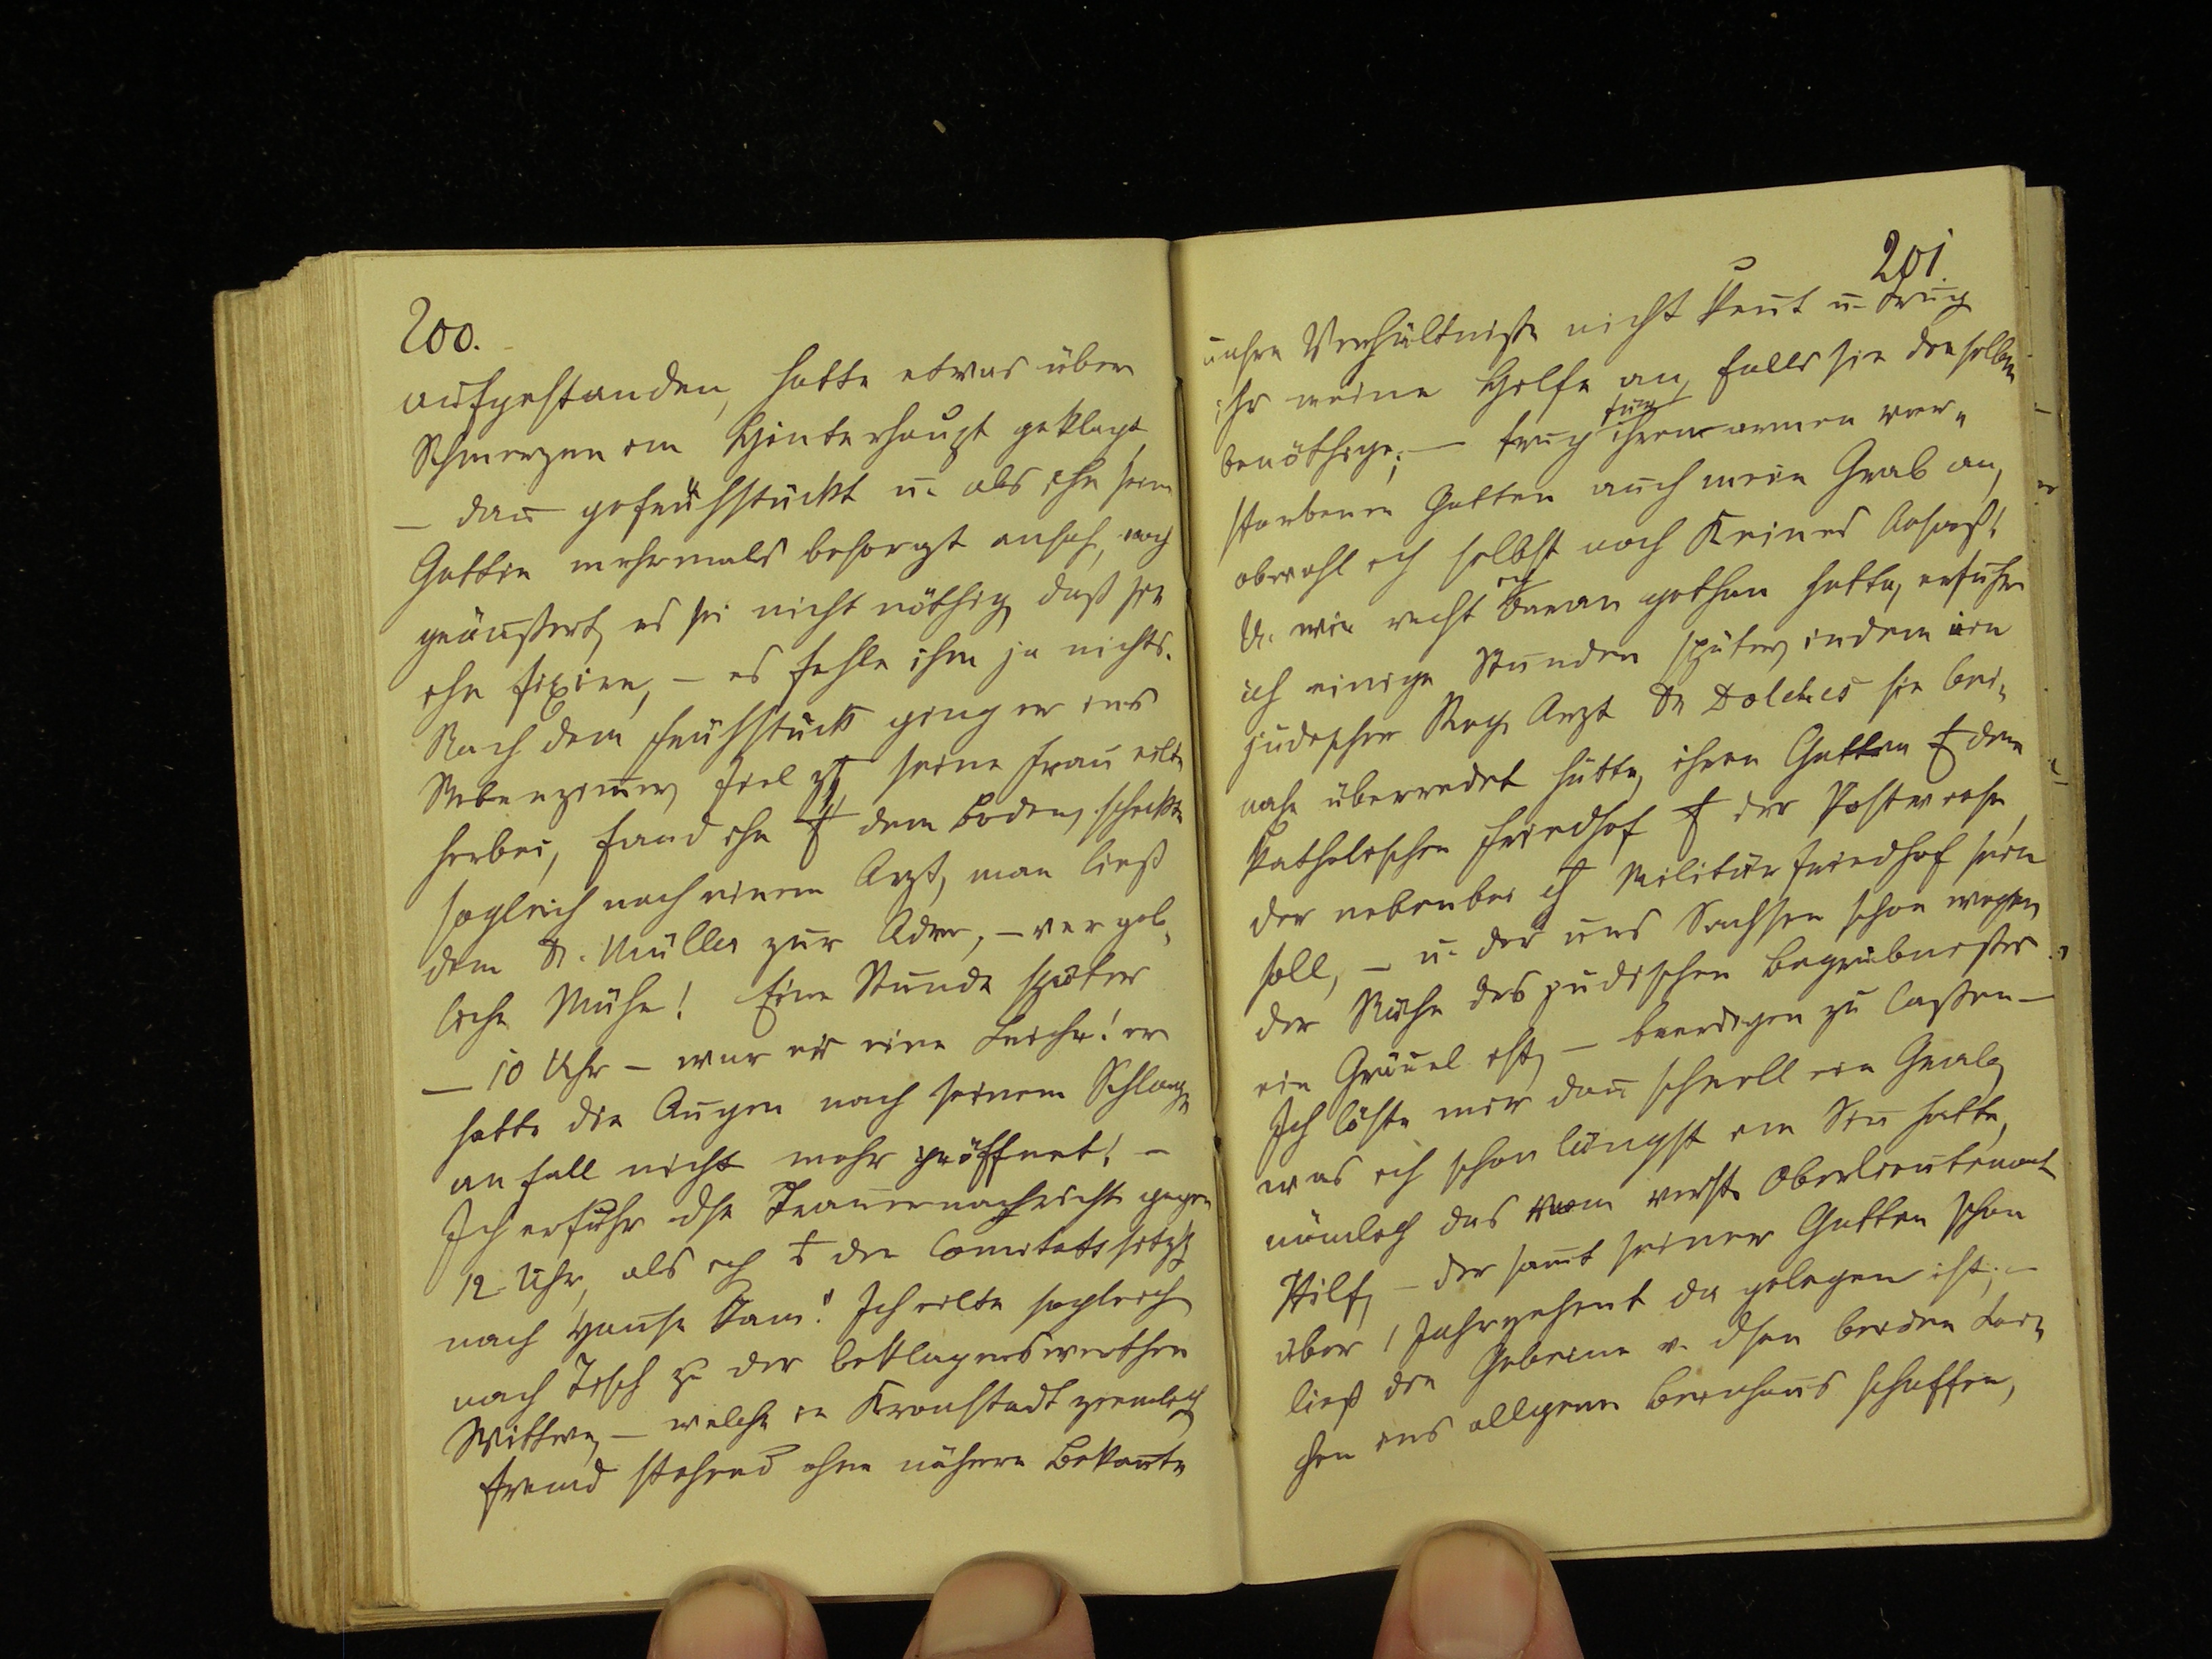200
aufgestanden, hatte etwas über
Schmerzen im Hinterhaupt geklagt
- dann gefrühstückt und als ihn seine
Gattin mehrmals besorgt ansah noch
geäußert , es sei nicht nöthig, daß sie
ihn fixiere,--es fehle ihm ja nichts.-
Nach dem Frühstück ging er ins
Nebenzimmer fiel zusammen, seine Frau eilte
herbei, fand ihn auf dem Boden , schickte
sogleich nach einem Arzt, man ließ
dann Dr. Müller zur Ader,- -vergeb¬
liche Mühe! – Eine Stunde später so
- 10 Uhr – wurde er eine Leiche ! Er
hatte die Augen nach seinem Schlag¬
anfall nicht mehr geöffnet !-
Ich erfuhr diese Trauernachricht gegen
12 Uhr, als ich ausd er Commitatssitzung
nach Hause kam ! Ich eilte sogleich
nach Tisch zu der beklagenswerten
Witwe,- welche in Kronstadt ziemlich
fremd stehend ohne nähere Bekannte
201
unsere Verhältniße nicht kennt und trug
ihr meine Hilfe an, falls sie dieselbe
für
benöthige;-- trug ihren armen ver¬
storbenen Gatten auch mein Grab an ,
obwohl ich selbst noch keines besaß.!
Und wie recht ich daran gethan hatte , erfuhr
ich einige Stunden später indem ein
Jüdischer Arzt Dr. Dolches sie bei¬
nahe überredete hatte , ihren Gatten auf dem
Katholischen Friedhof auf der Postwiese
der nebenbei auch Militärfriedhof sein
soll,--und der uns Sachsen schon wegen
der Nähe des jüdischen Begräbnißes
ein Gräuel ist.- beerdigen zu lassen.-
Ich löste mir dann schnell ein Grab
was ich schon längst im Sinn hatte
nämlich das vom ersten Oberleutenant
Hilf,--Der samt seiner Gattin schon
1 Jahrzehnt Da gelegen ist,-
ließ die Gebeine von diesen bei¬
den ins allgemeine Beinhaus schaffen